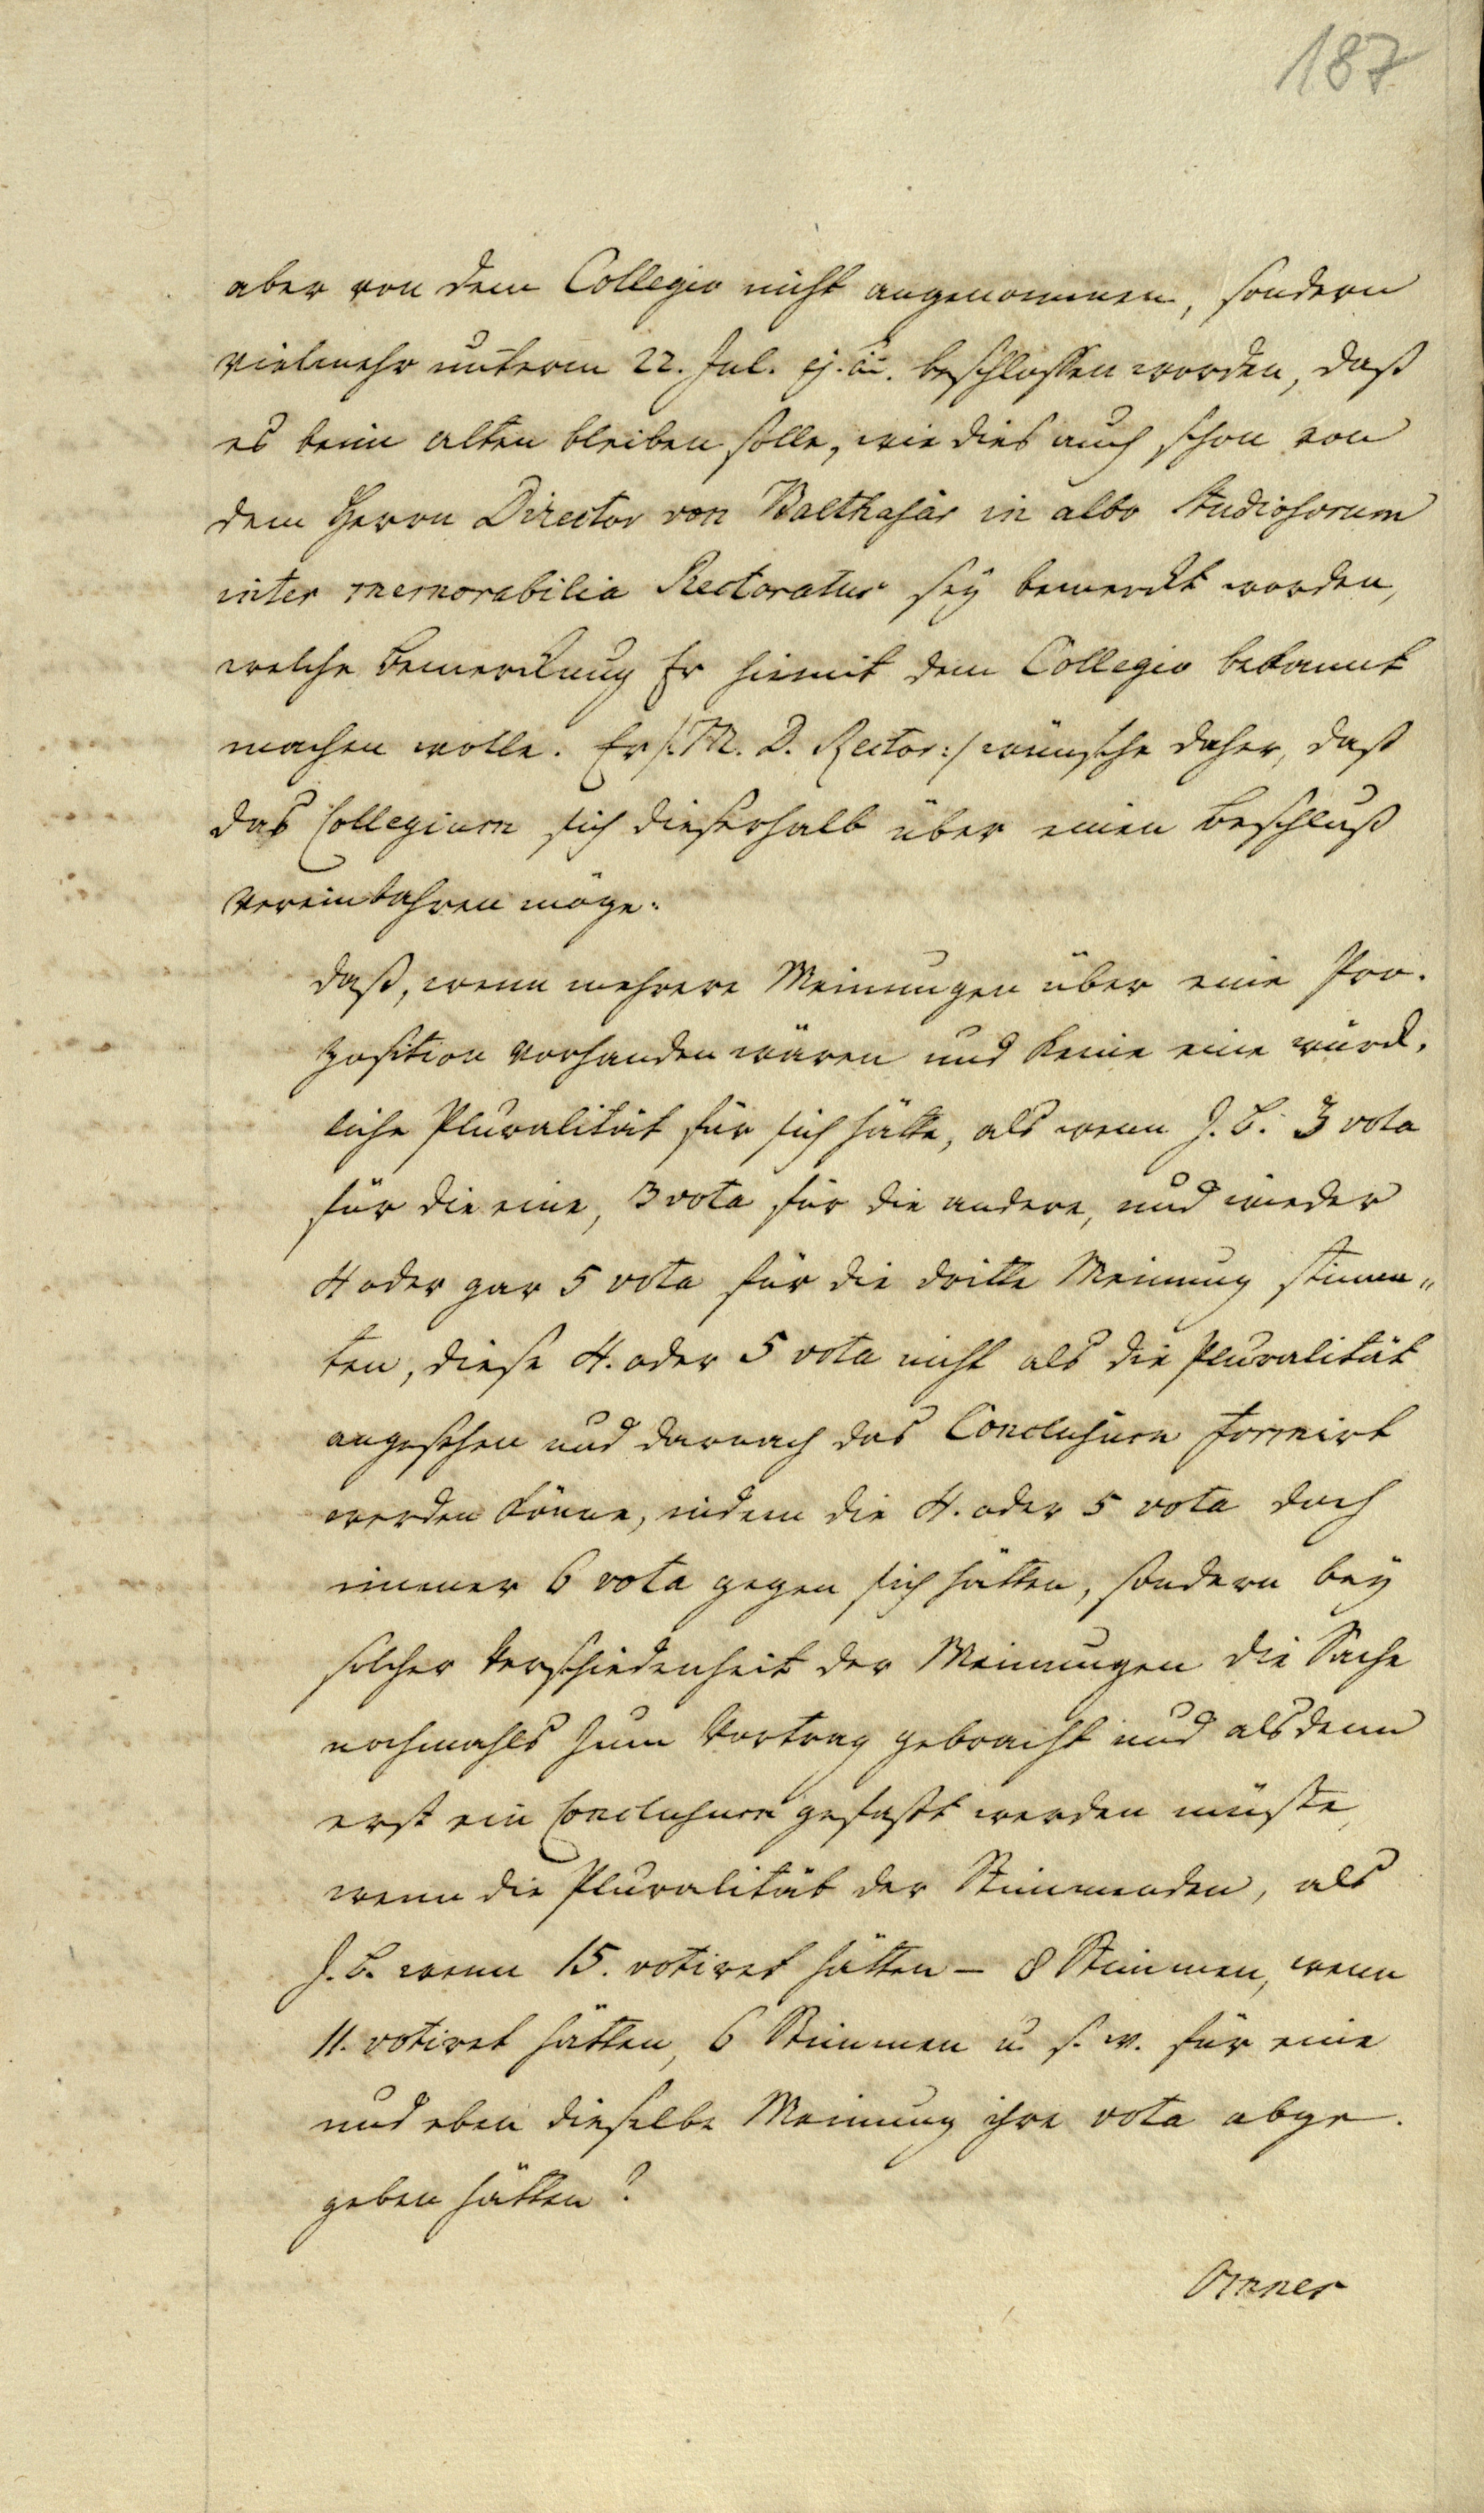aber von dem Collegio nicht angenommen, sondern
vielmehr unterm 22. Jul. ej. ac. beschlossen worden, daß
es bei alten bleiben solle, wie dies auch schon von
dem Herrn Director von Balthasar in albo Studiosorum
unter memorabilia Rectoratus seÿ bemerckt worden,
welche Bemerckung Er hiemit dem Collegio bekannt
machen wolle. Er /: M. D. Rector :/ wünsche daher, daß
das Collegium sich dieserhalb über einen Beschluß
vereinbahren möge:
daß, wenn mehrere Meinungen über eine Pro¬
position vorhanden wären und keine eine würck¬
liche Pluralität für sich hätte, als wenn z. B. 3 vota
für die eine, 3 vota für die andere, und wieder
4 oder gar 5 vota für die dritte Meinung stimm¬
ten, diese 4. oder 5 vota nicht als die Pluralität
angesehen und darnach das Conclusum formirt
werden könne, indem die 4. oder 5 vota doch
immer 6 vota gegen sich hätten, sondern beÿ
solcher Verschiedenheit der Meinungen die Sache
nochmahls zum Vortrag gebracht und als denn
erst ein Conclusum gefaßt werden müßte,
wenn die Pluralität der Stimmenden, als
z. B. wenn 15. votiret hätten 8 Stimmen, wenn
11. votirt hätten 6 Stimmen u. s. w. für eine
und eben dieselbe Meinung ihre vota abge¬
geben hätten?
Omnes